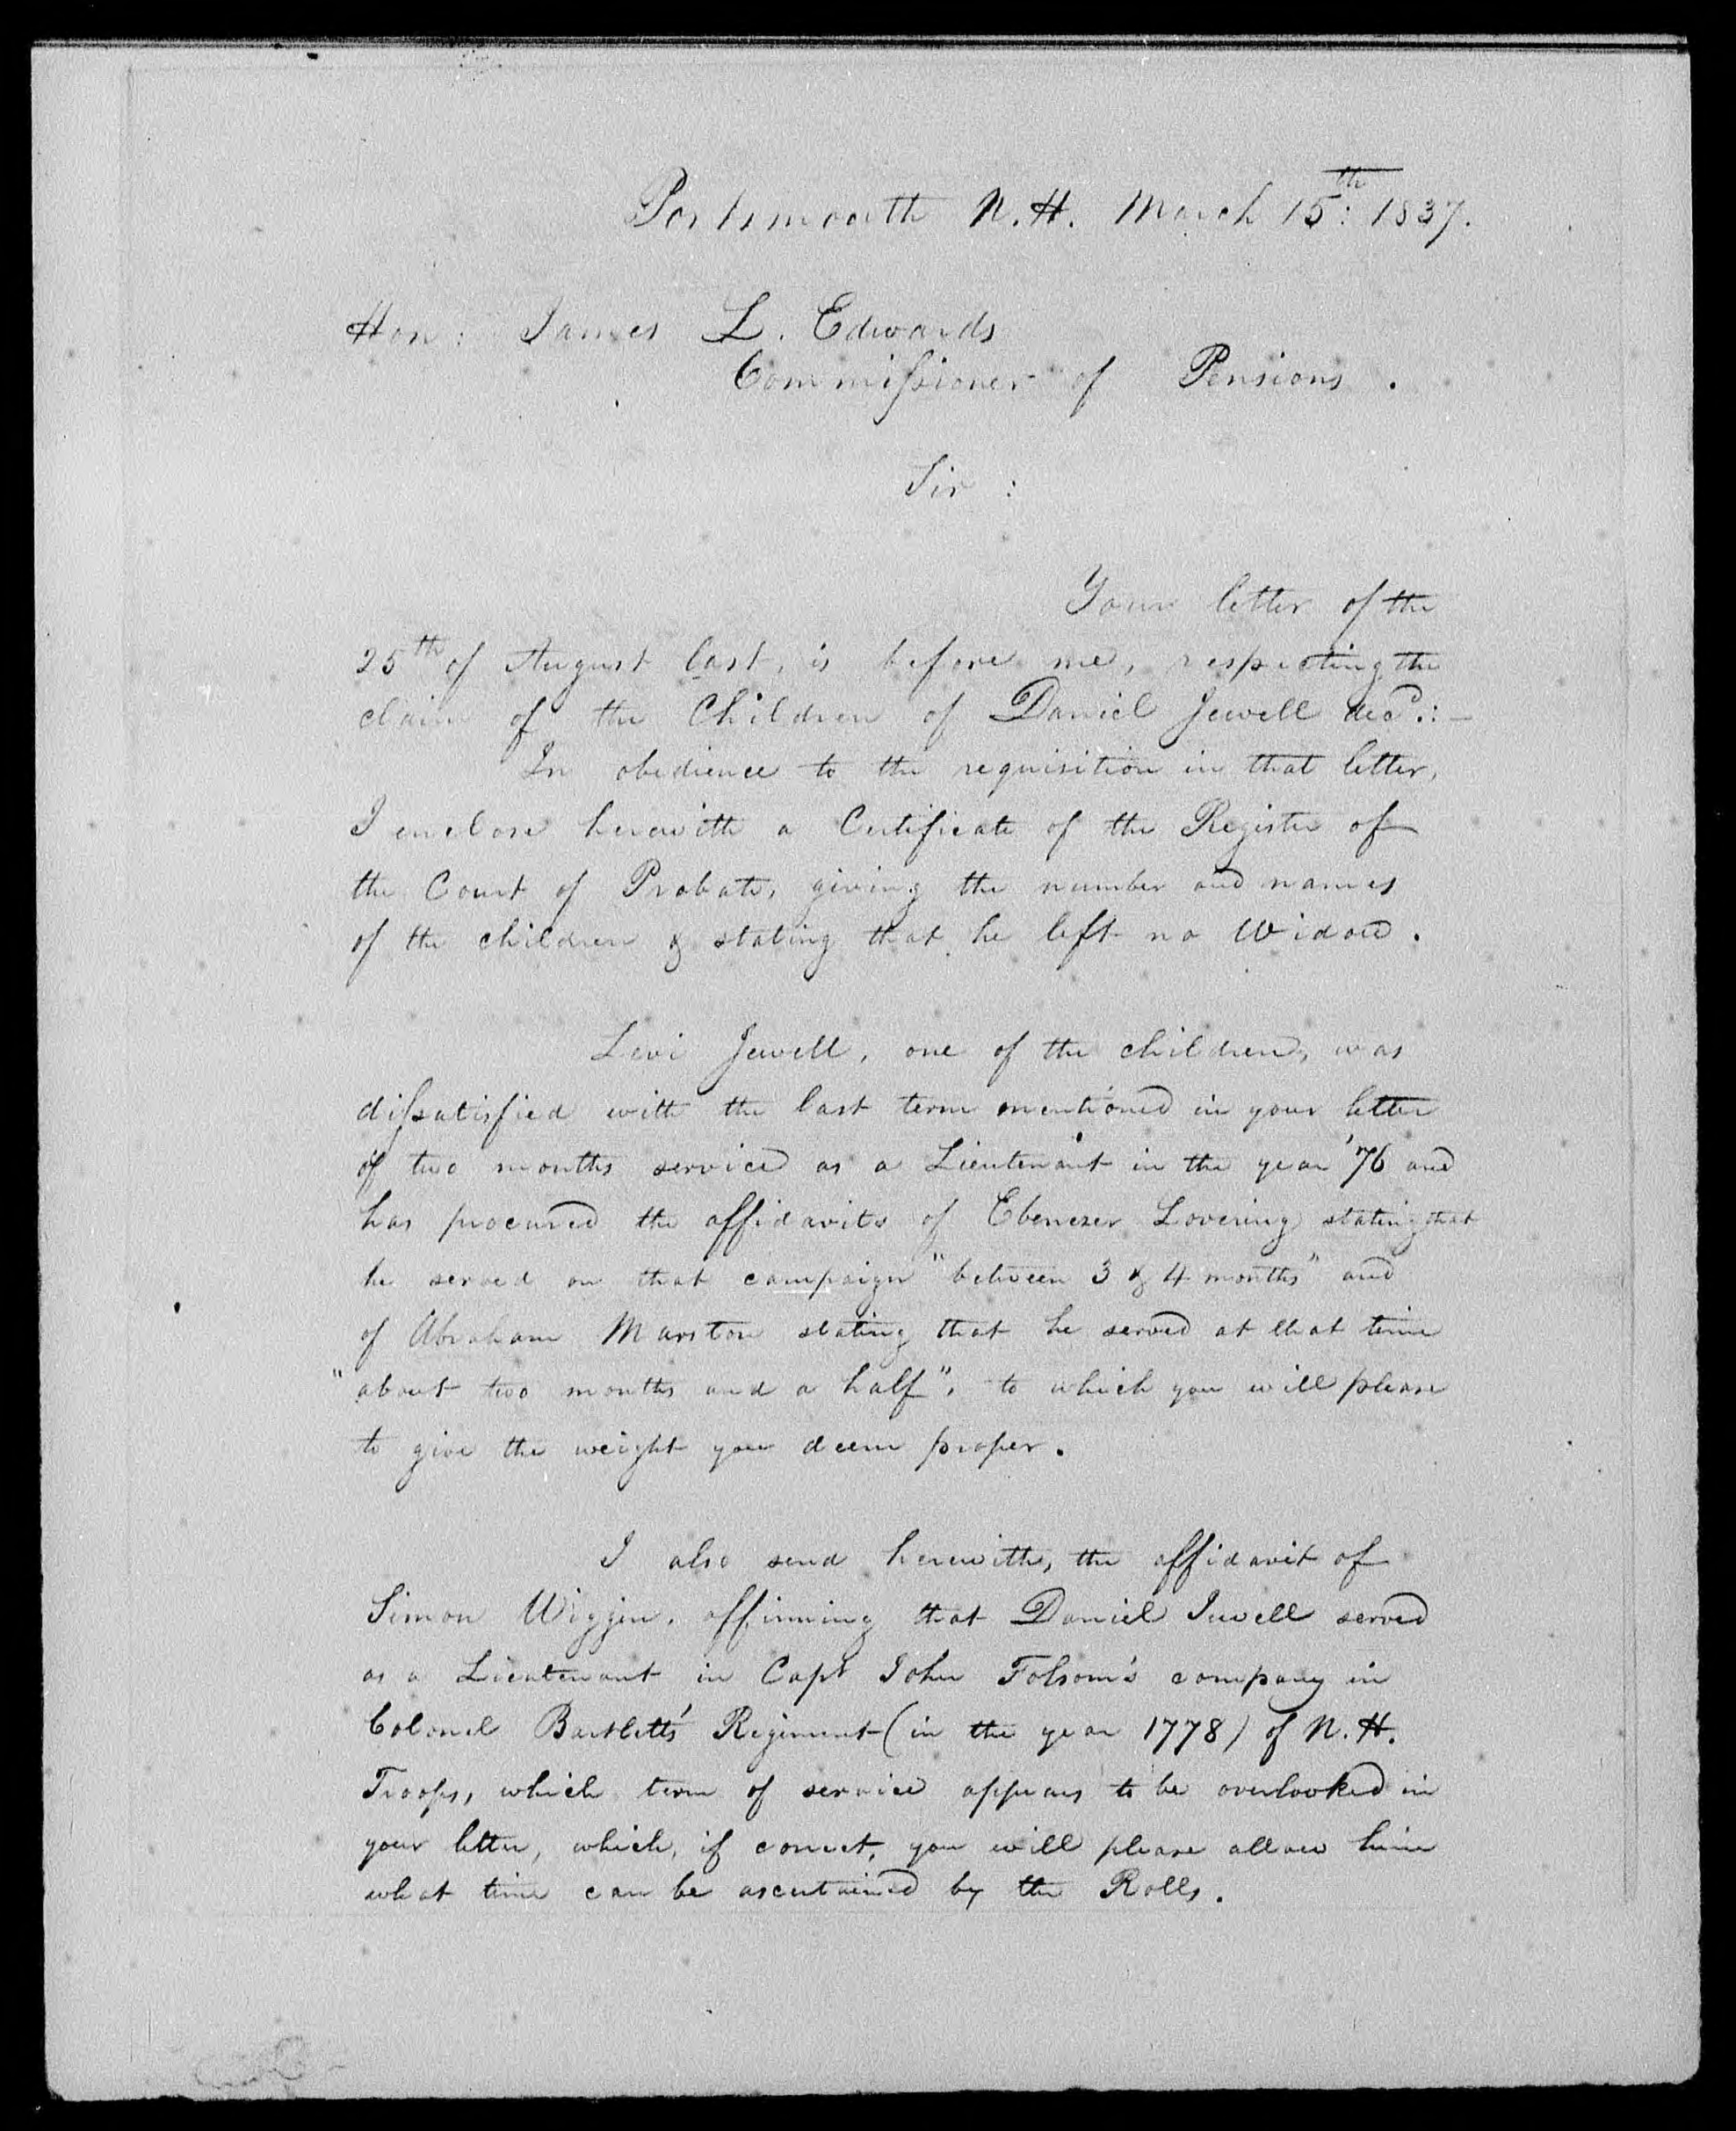Portsmouth N.H. March 15th 1837.
Hon [HONORABLE]: James L. Edwards
Commissioner of Pensions.
Sir:
Your letter of the 25th of August last, is before me, respecting the claim of the children of Daniel Jewell dec''d [DECEASED] : -
In obedience to the requisition in that letter,
I enclose herewith a certificate of the Register of the Court of Probate, giving the number and names of the children & stating that he left no widow.

Levi Jewell, one of the children, was
dissatisfied with the last term mentioned in your letter of two months service as a Lieutenant in the year [17]'76 and has procured the affidavits of Ebenezer Lovering stating that
he served on that campaign "between 3 or 4 months" and of Abraham Marston stating that he served at that time "about two months and a half," to which you will please to give the weight you deem proper.

I also send herewith, the affidavit of Simon Wiggin, affirming that Daniel Jewell served
as a Lieutenant in Capt. John Folsom's company in Colonel Bartlett's Regiment (in the year 1778) of N.H. Troops, which term of service appears to be overlooked in your letter, which, if correct, you will please allow him
what time can be ascertained by the Rolls.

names: Daniel Jewell; Abraham Marston; Simon Wiggin; James L Edwards; Ebenezer Lovering; Levi Jewell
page: 25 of 35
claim: survivor's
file: S. 10912, for Daniel Jewell, New Hampshire